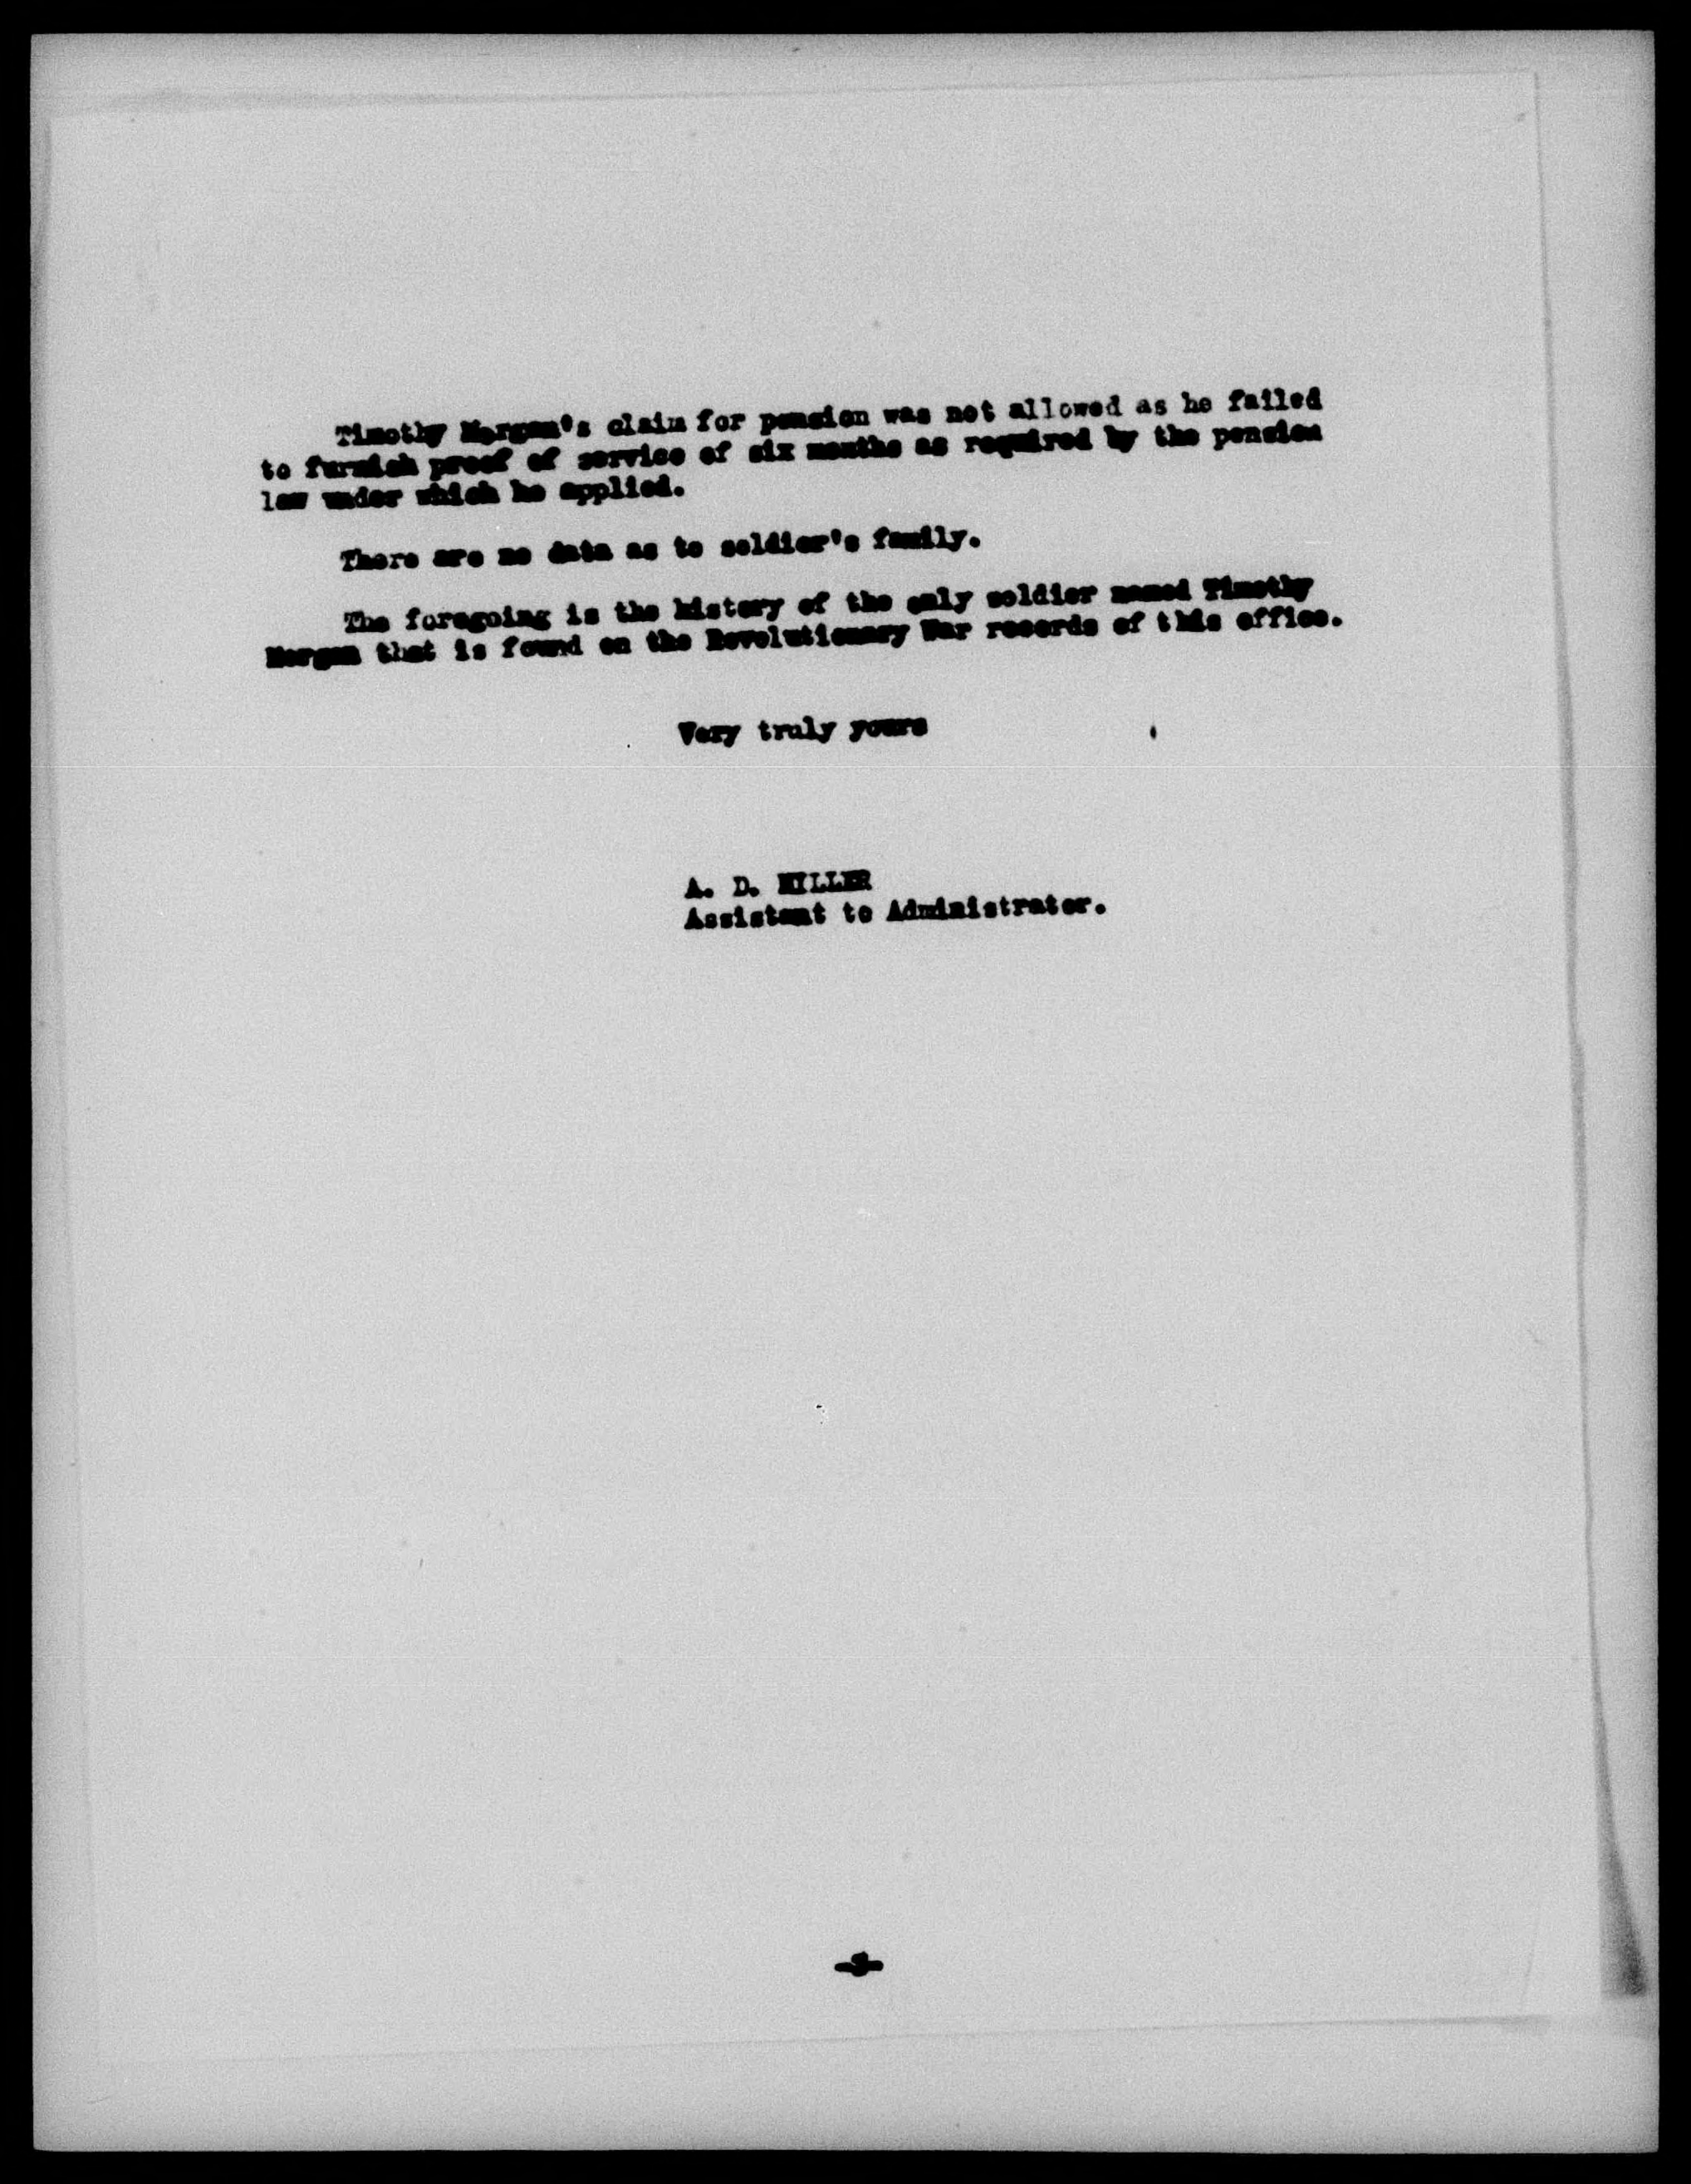Timothy Morgan's claim for pension wat not allowed as he failed
to furnish proof of service of six months as required by the pension
law under which he applied.
There are no data as to soldier's family.
The foregoing in the history of the only soldier named Timothy
Morgan that is found on the Revolutionary War records of this office.
Very truly yours
A. D. HILLER
Assistant to Administrator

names: Timothy Morgan; A D Hiller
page: 10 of 19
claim: rejected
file: R 7390, for Timothy Morgan, Connecticut